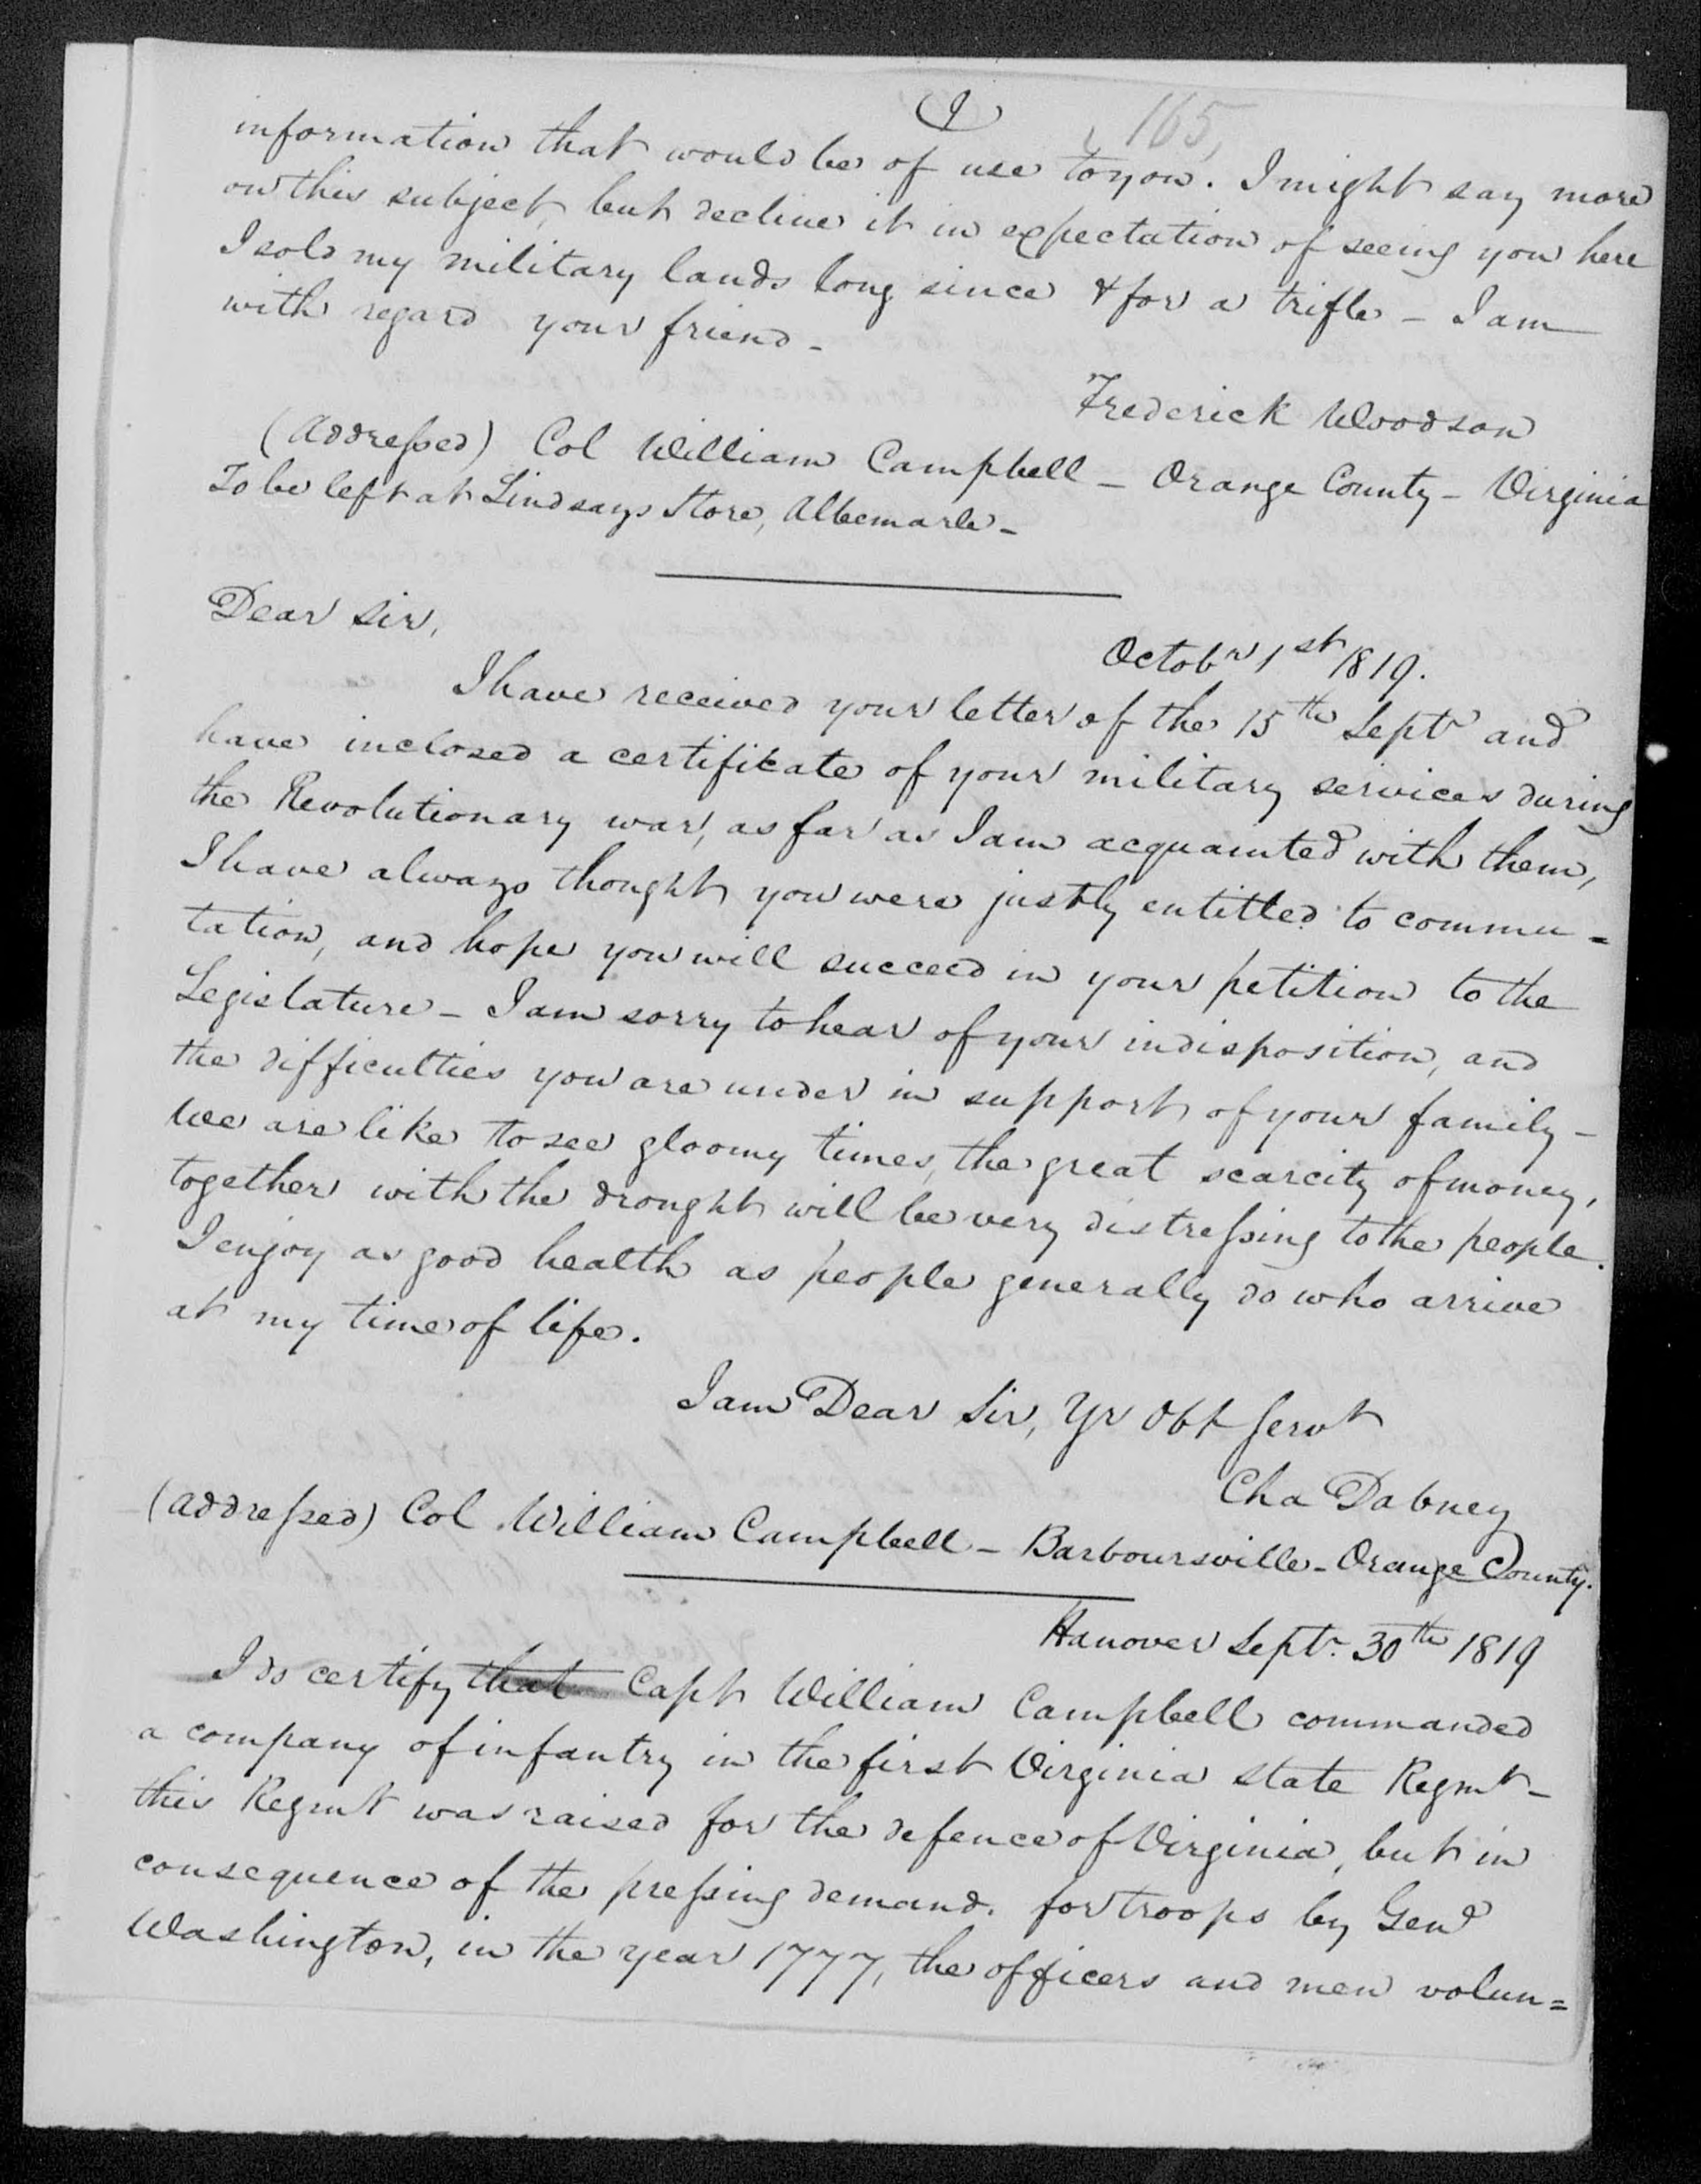(9)      (165)
information that would be of use to you. I might say more on this subject but decline it in expectation of seeing you here  I sold my military lands long since +[and] for a trifle __  I am with regard your friend
Frederick Woodson
(addressed) Col William Campbell _ Orange County _ Virginia To be left at Lindsays Store Albemarle_
______________________

October 1st 1819.
Dear Sir,
I have received your letter of the 15th Septr and have inclosed a certificate of your military services during the Revolutionary war as far as I am acquainted with them, I have always thought you were justly entitled to commutation, and hope you will succeed in your petition to the Legislature _ I am sorry to hear of your indisposition, and the difficulties you are under in support of your family _ we are like to see gloomy times, the great scarcity of money, together with the drought will be very distressing to the people, I enjoy as good health as people generally do who arrive at my times of life.
I am Dear Sir, Yr Obt Servt
Cha Dabney
(addressed) Col William Campbell _ Barboursville, Orange County
____________________

Hanover Septr 30th 1819
I do certify that Capt William Campbell commanded a company of infantry in the first Virginia State Regmt _ this Regmt was raised for the defence of Virginia, but in consequence of the pressing demand, for troops by Genl Washington, in the year 1777 the officers and men volun =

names: William Campbell, Cha Dabney, Washington, William Campbell, Frederick Woodson, William Campbell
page: 11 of 267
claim: widow's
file: W. 4,149, William Campbell, Va.